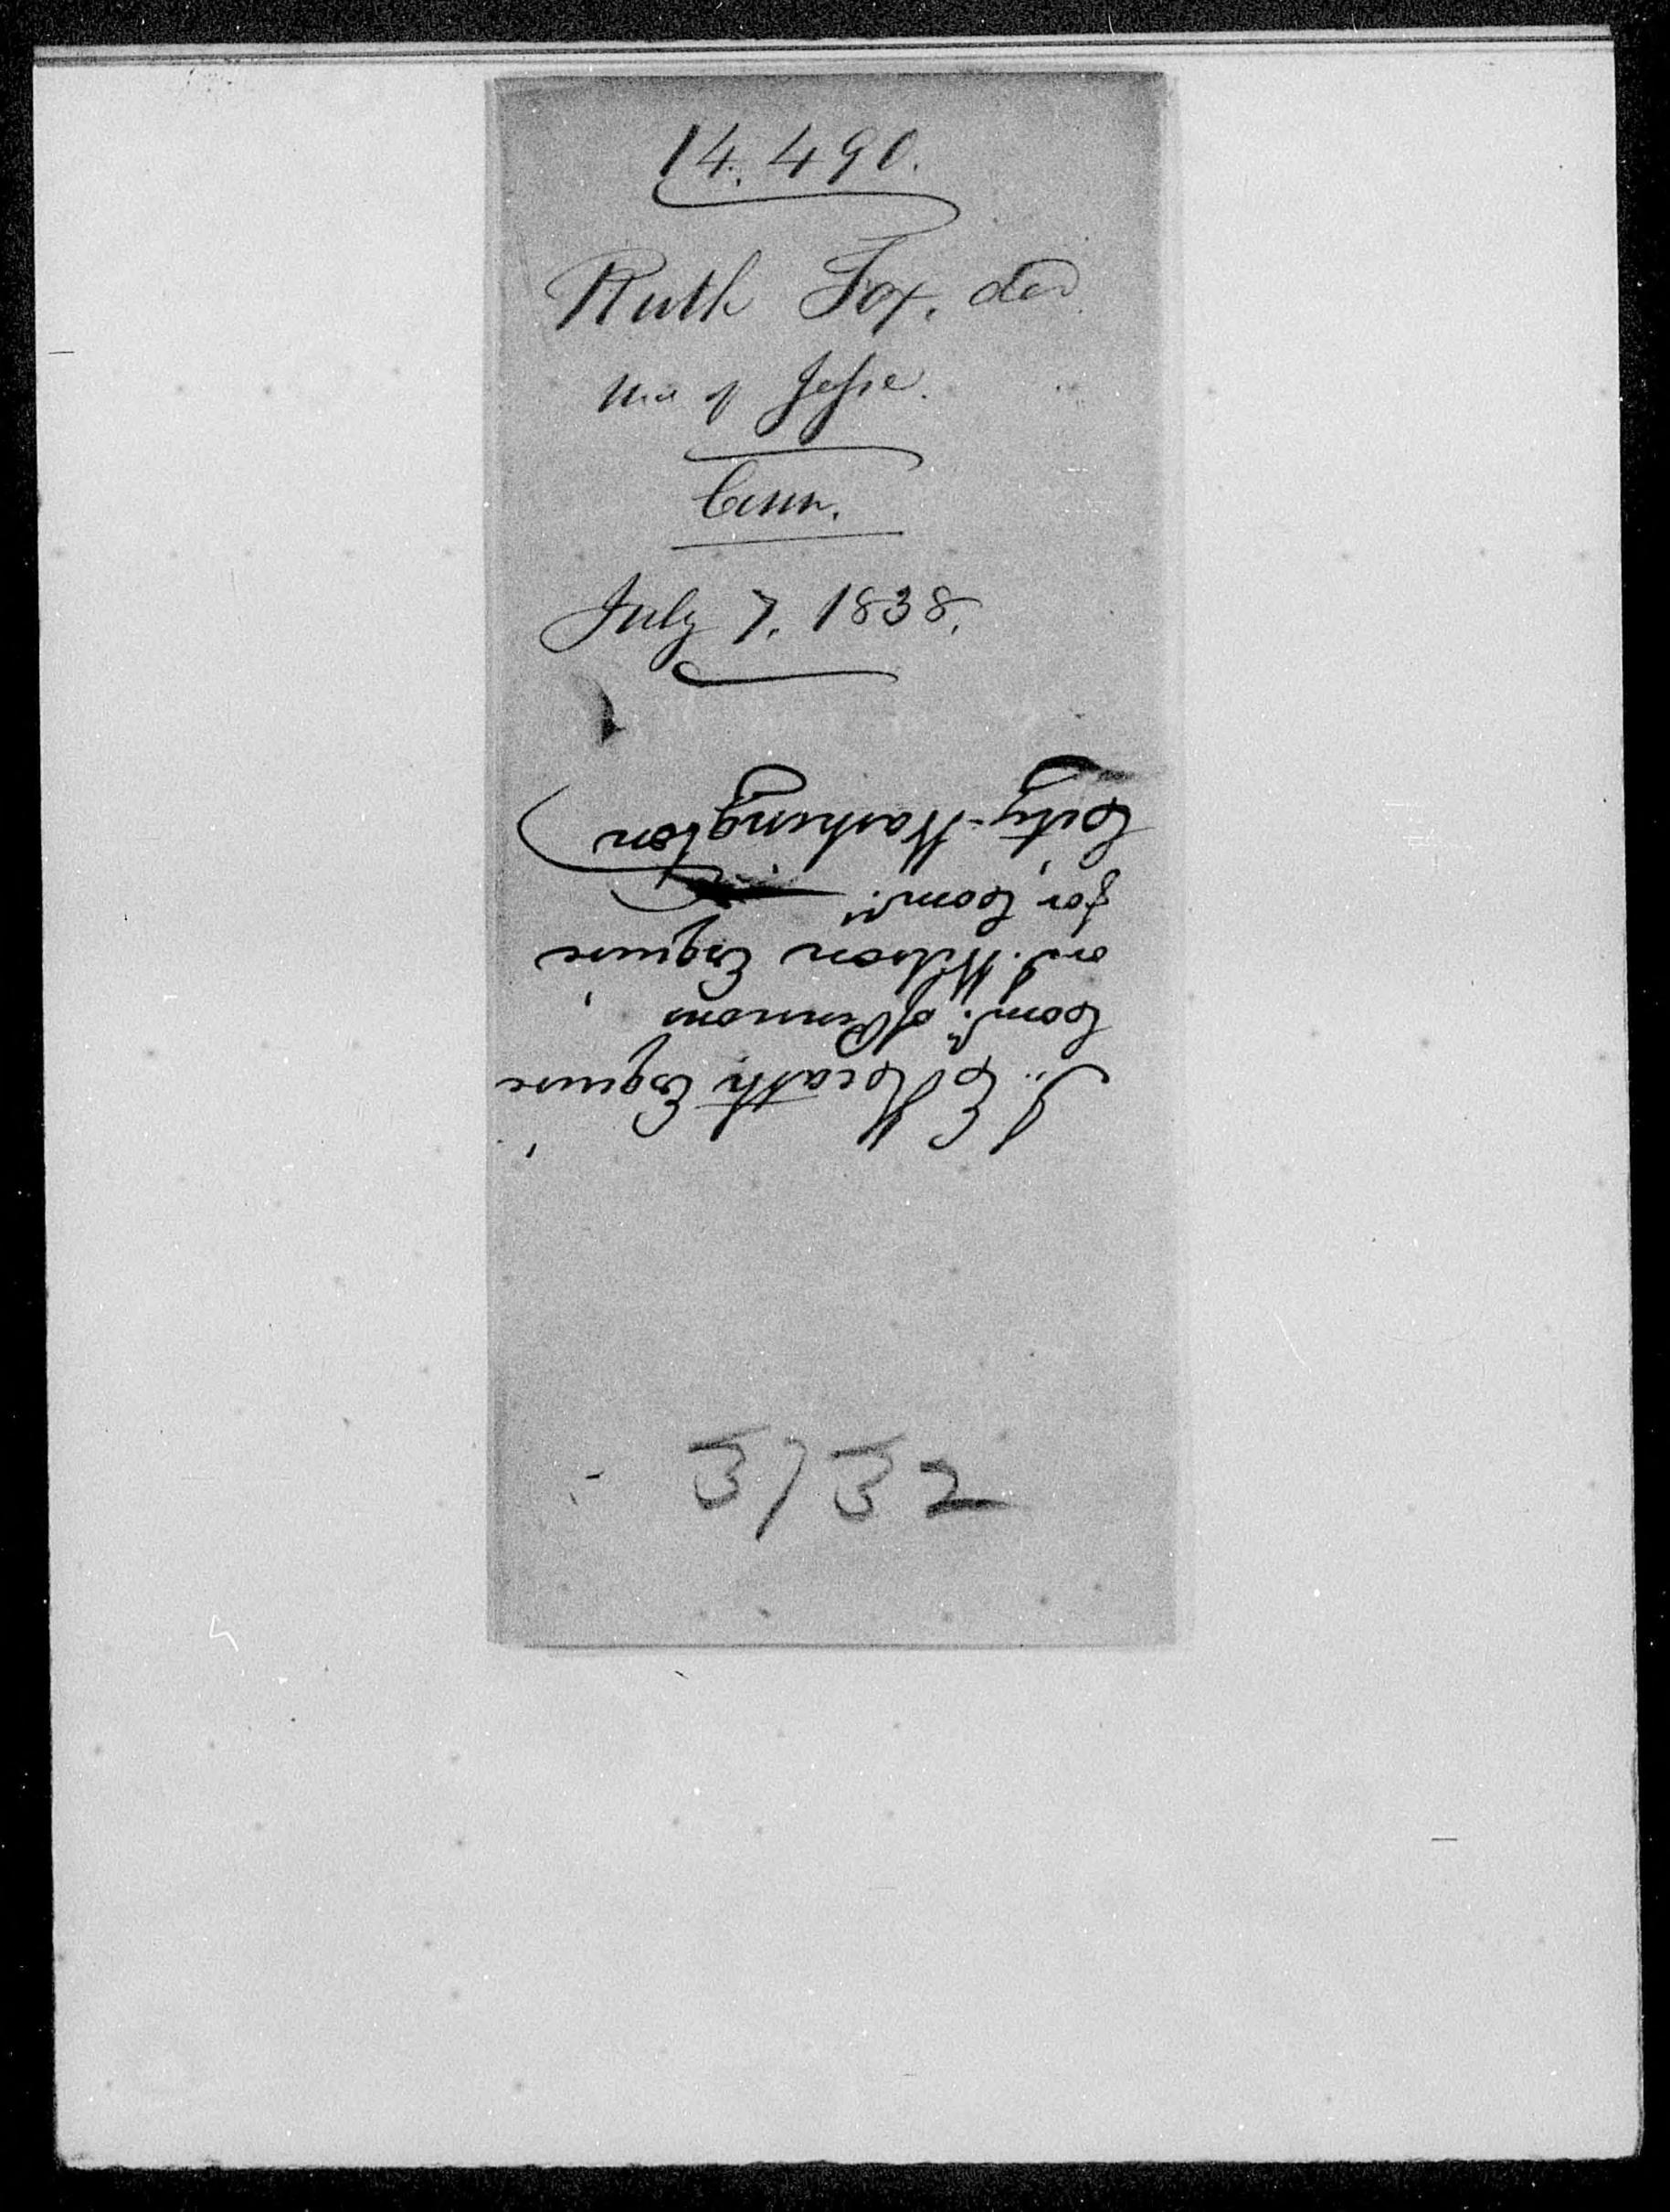14490
Ruth Fox dec.
wid of Jesse
Conn.
July 7, 1838

J. E. Heath Esquire
Commr of Pensions
or J. Wilson Esquire
for commr
City Washington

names: J Wilson, Jesse Fox, J E Heath, Ruth Fox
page: 49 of 53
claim: rejected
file: R. 3732, Jesse Fox, Conn.